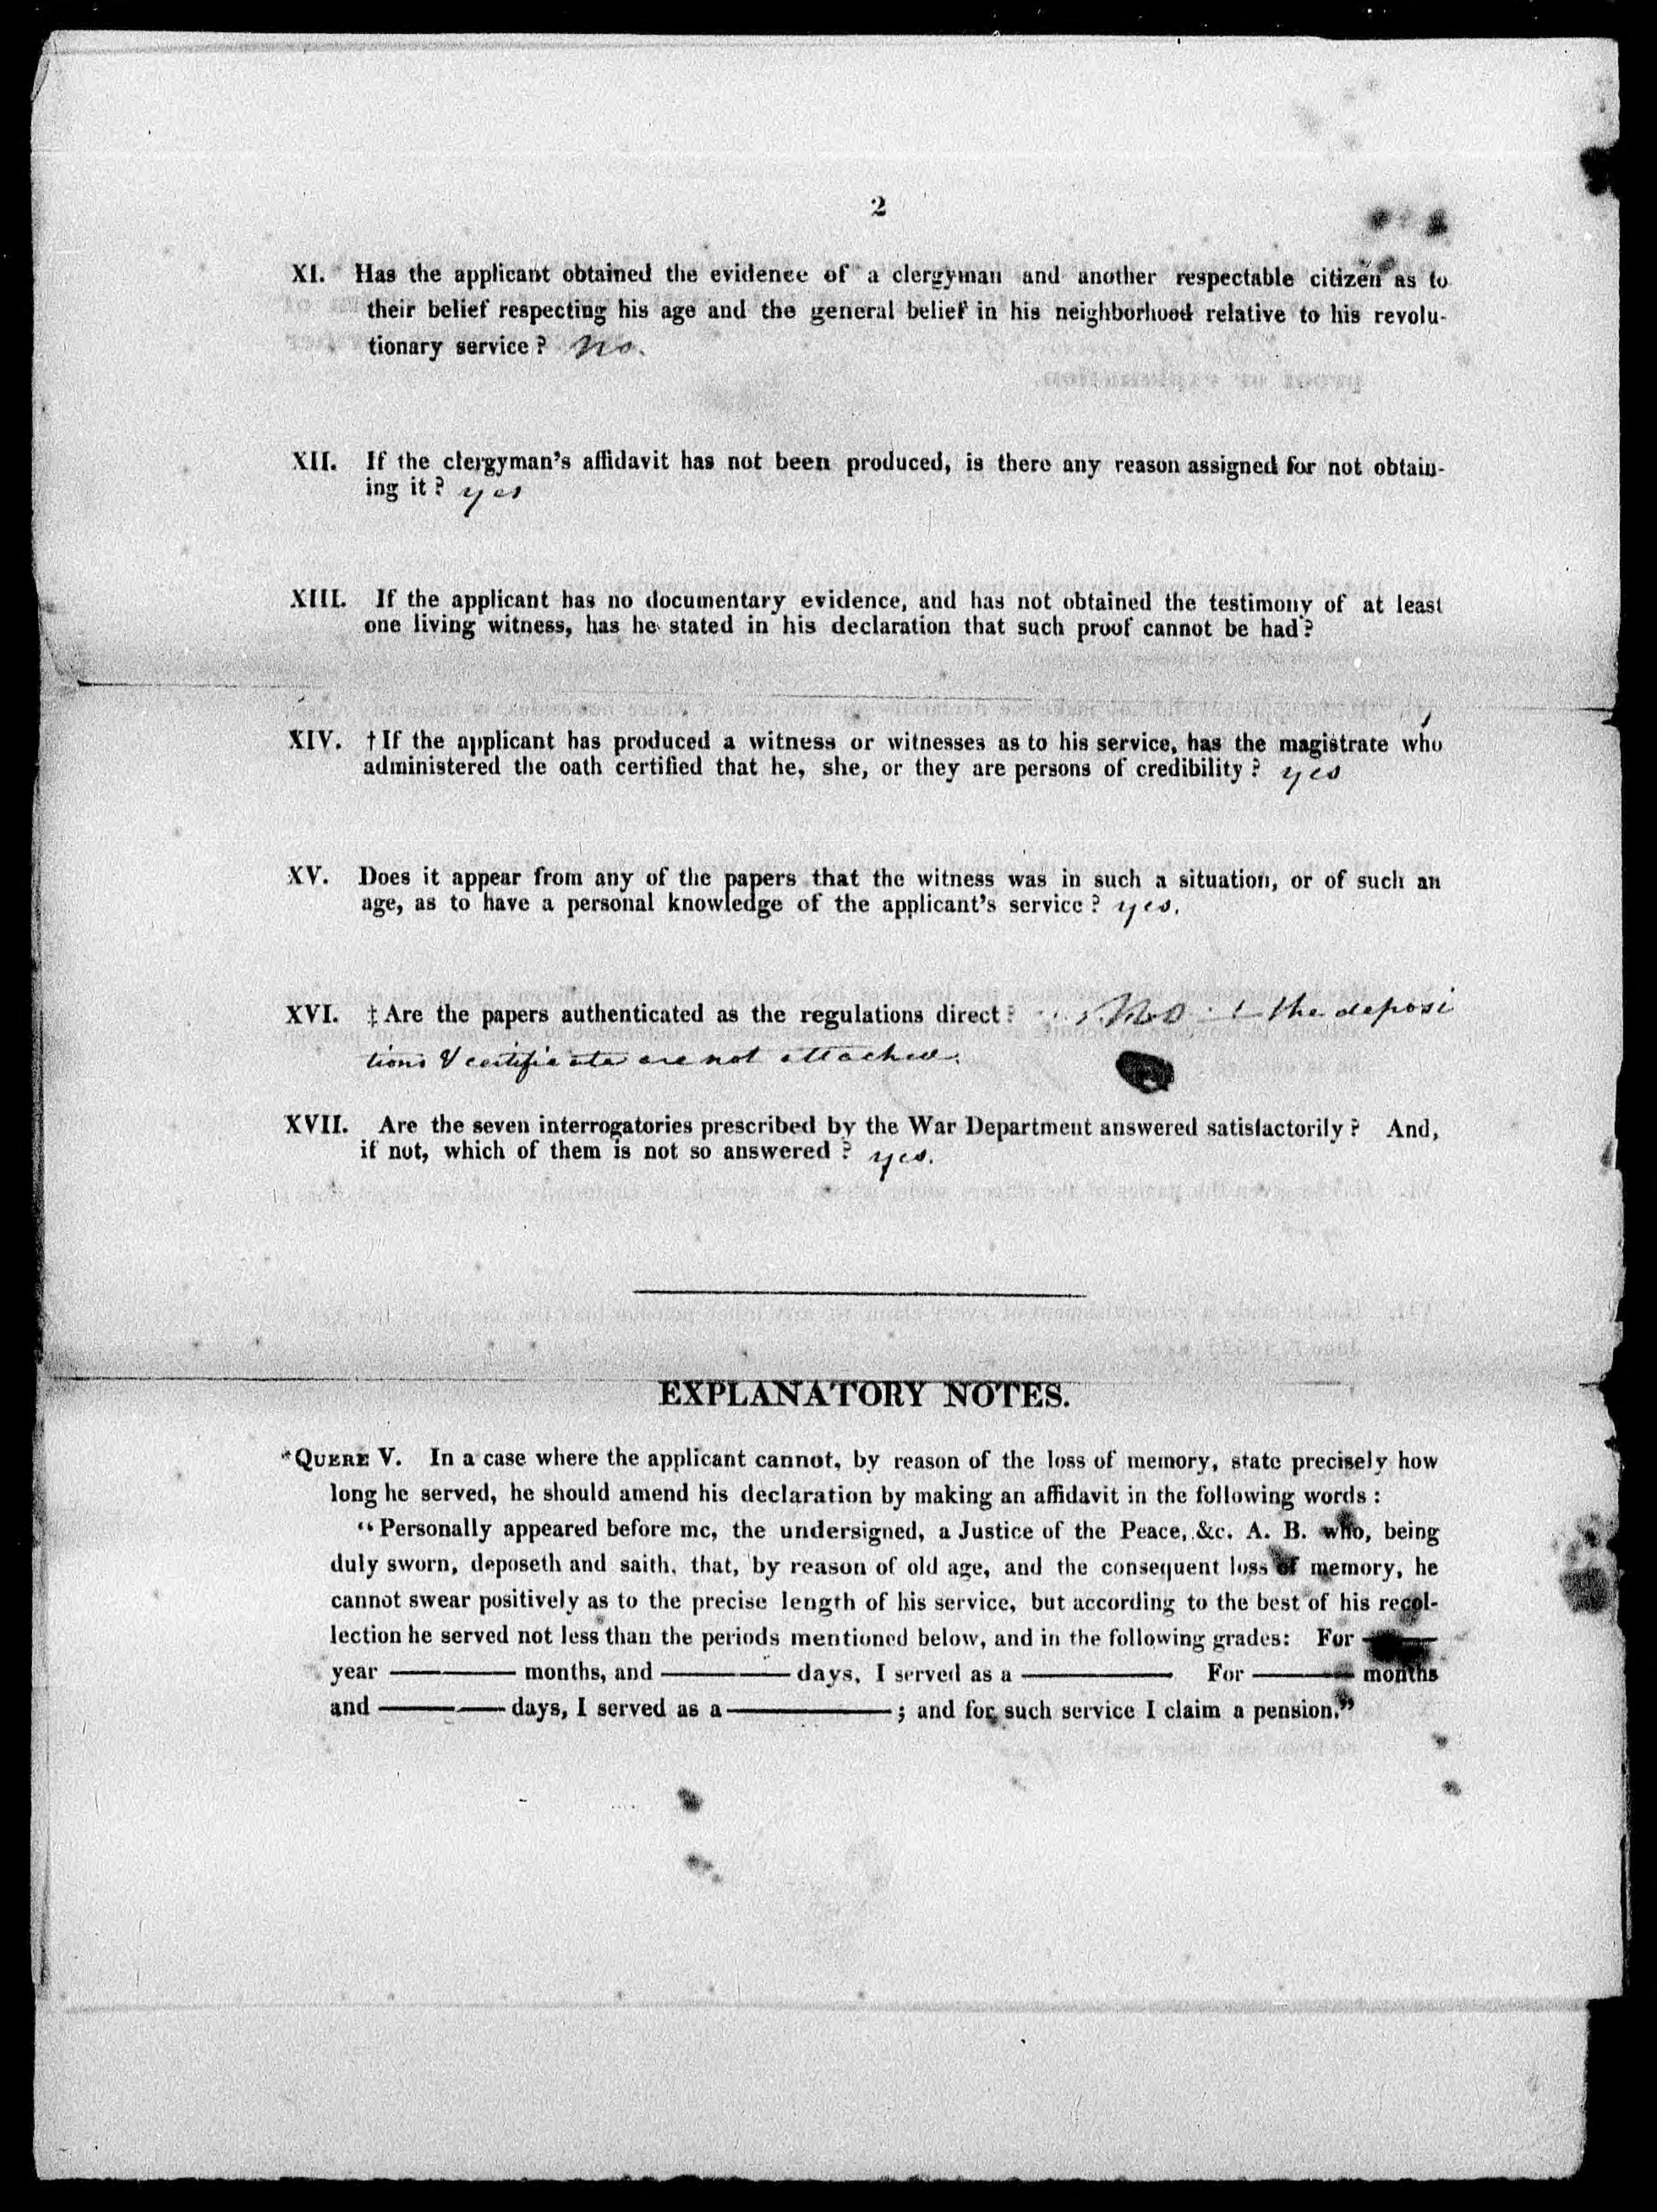2

XI. Has the applicant obtained the evidence of a clergyman and another respectable citizen as to their belief respecting his age and general belief in the neighborhood relative to his revolutionary service? no.

XII. If the clergyman's affidavit has not been produced, is there any reason assigned for not obtaining it? yes

XIII. If the applicant has no documentary evidence, and has not obtained the testimony of at least one living witness, has he stated in his declaration that such proof cannot be had? [blank]

XIV. +If the applicant has produced a witness or witnesses as to his service, has the magistrate who administered the oath certified that he, she, or they are persons of credibility? yes

XV. Does it appear from any of the papers that the witness was in such a situation, or of such an age, as to have a personal knowledge of the applicant's service? yes

XVI. ++Are the papers authenticated as the regulations direct? no - the depositions & certificate are not attached.

XVII. Are the seven interrogatories prescribed by the War Department answered satisfactorily? And, if not, which of them is not so answered? yes.

____________
EXPLANATORY NOTES.
*QUERE V. In a case where the applicant cannot, by reason of loss of memory, state precisely how long he served, he should amend his declaration by making an affidavit in the following words:
"Personally appeared before me, the undersigned, a Justice of the Peace, &c. A. B. who, being duly sworn, deposeth and saith, that, by reason of old age, and the consequent loss of memory, he cannot swear positively as to the precise length of his service, but according to the best of his recollection he served not less than the periods mentioned below, and in the following grades: For _____ year _____ months, and _____ days, I served as a _____ For _____ months and _____ days, I served as a _____ ; and for such service I claim a pension."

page: 12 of 21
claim: survivor's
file: S. 17,446, Benjamin Grant, R.I.